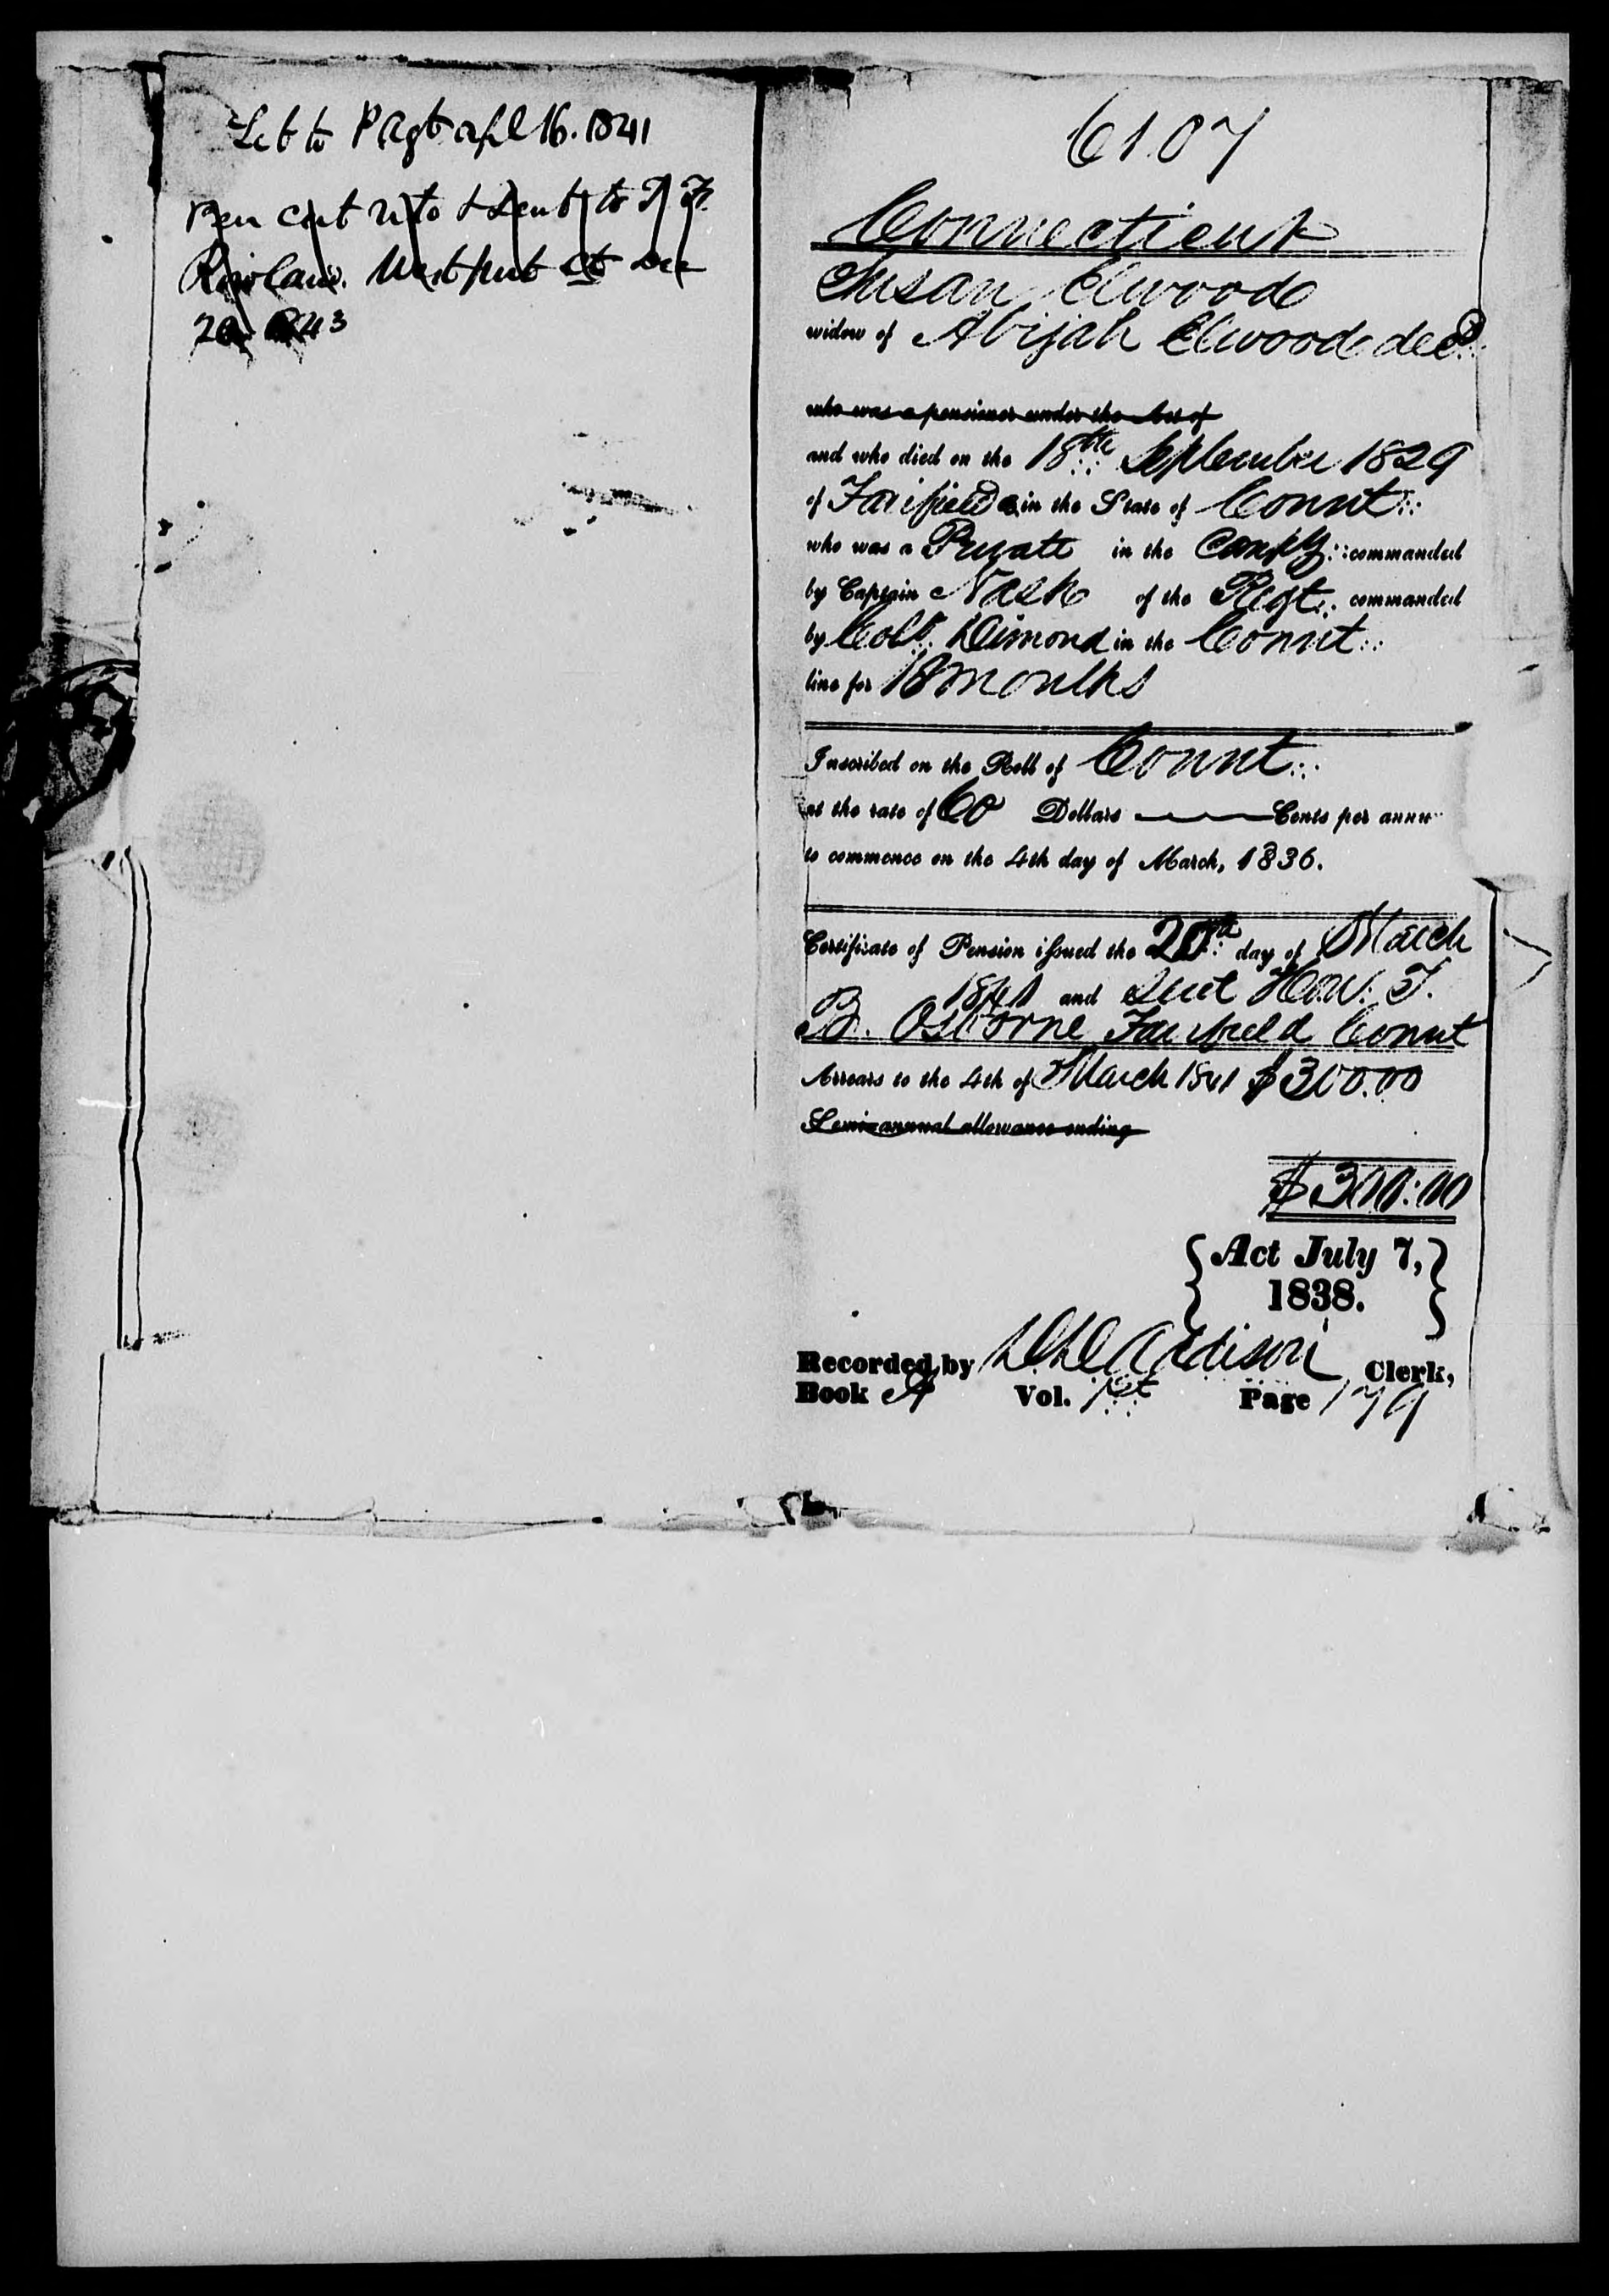6107
Connecticut
Susan Elwood 
widow of Abijah Elwood dec.
and who died on the 18th September 1829 of Fairfield in the State of Connt who was a private in the compy: commanded by Captain Nash of Regt commanded by Col Dimond in the Connt line for 18 months.

Inscribed on the Roll of Connt at the rate of 60 dollars  ---- cents per annum to commence on the 4th day of March 1836.

Certificate of Pension issued the 20th day of March 1841 and sent Hon. T. B. Osborne Fairfield Connt

Arrears to the 4th od March 1841 $300.00

$300.00

{Act July 7, 1838}

Recorded by D.D. Addison Clerk, Book A Vol. 1st Page 179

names: T F Rowland, T B Osborne, D D Addison, Nash, Dimond, Abijah Elwood, Susan Elwood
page: 49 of 69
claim: widow's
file: W. 25562, Abijah Elwood, Conn.